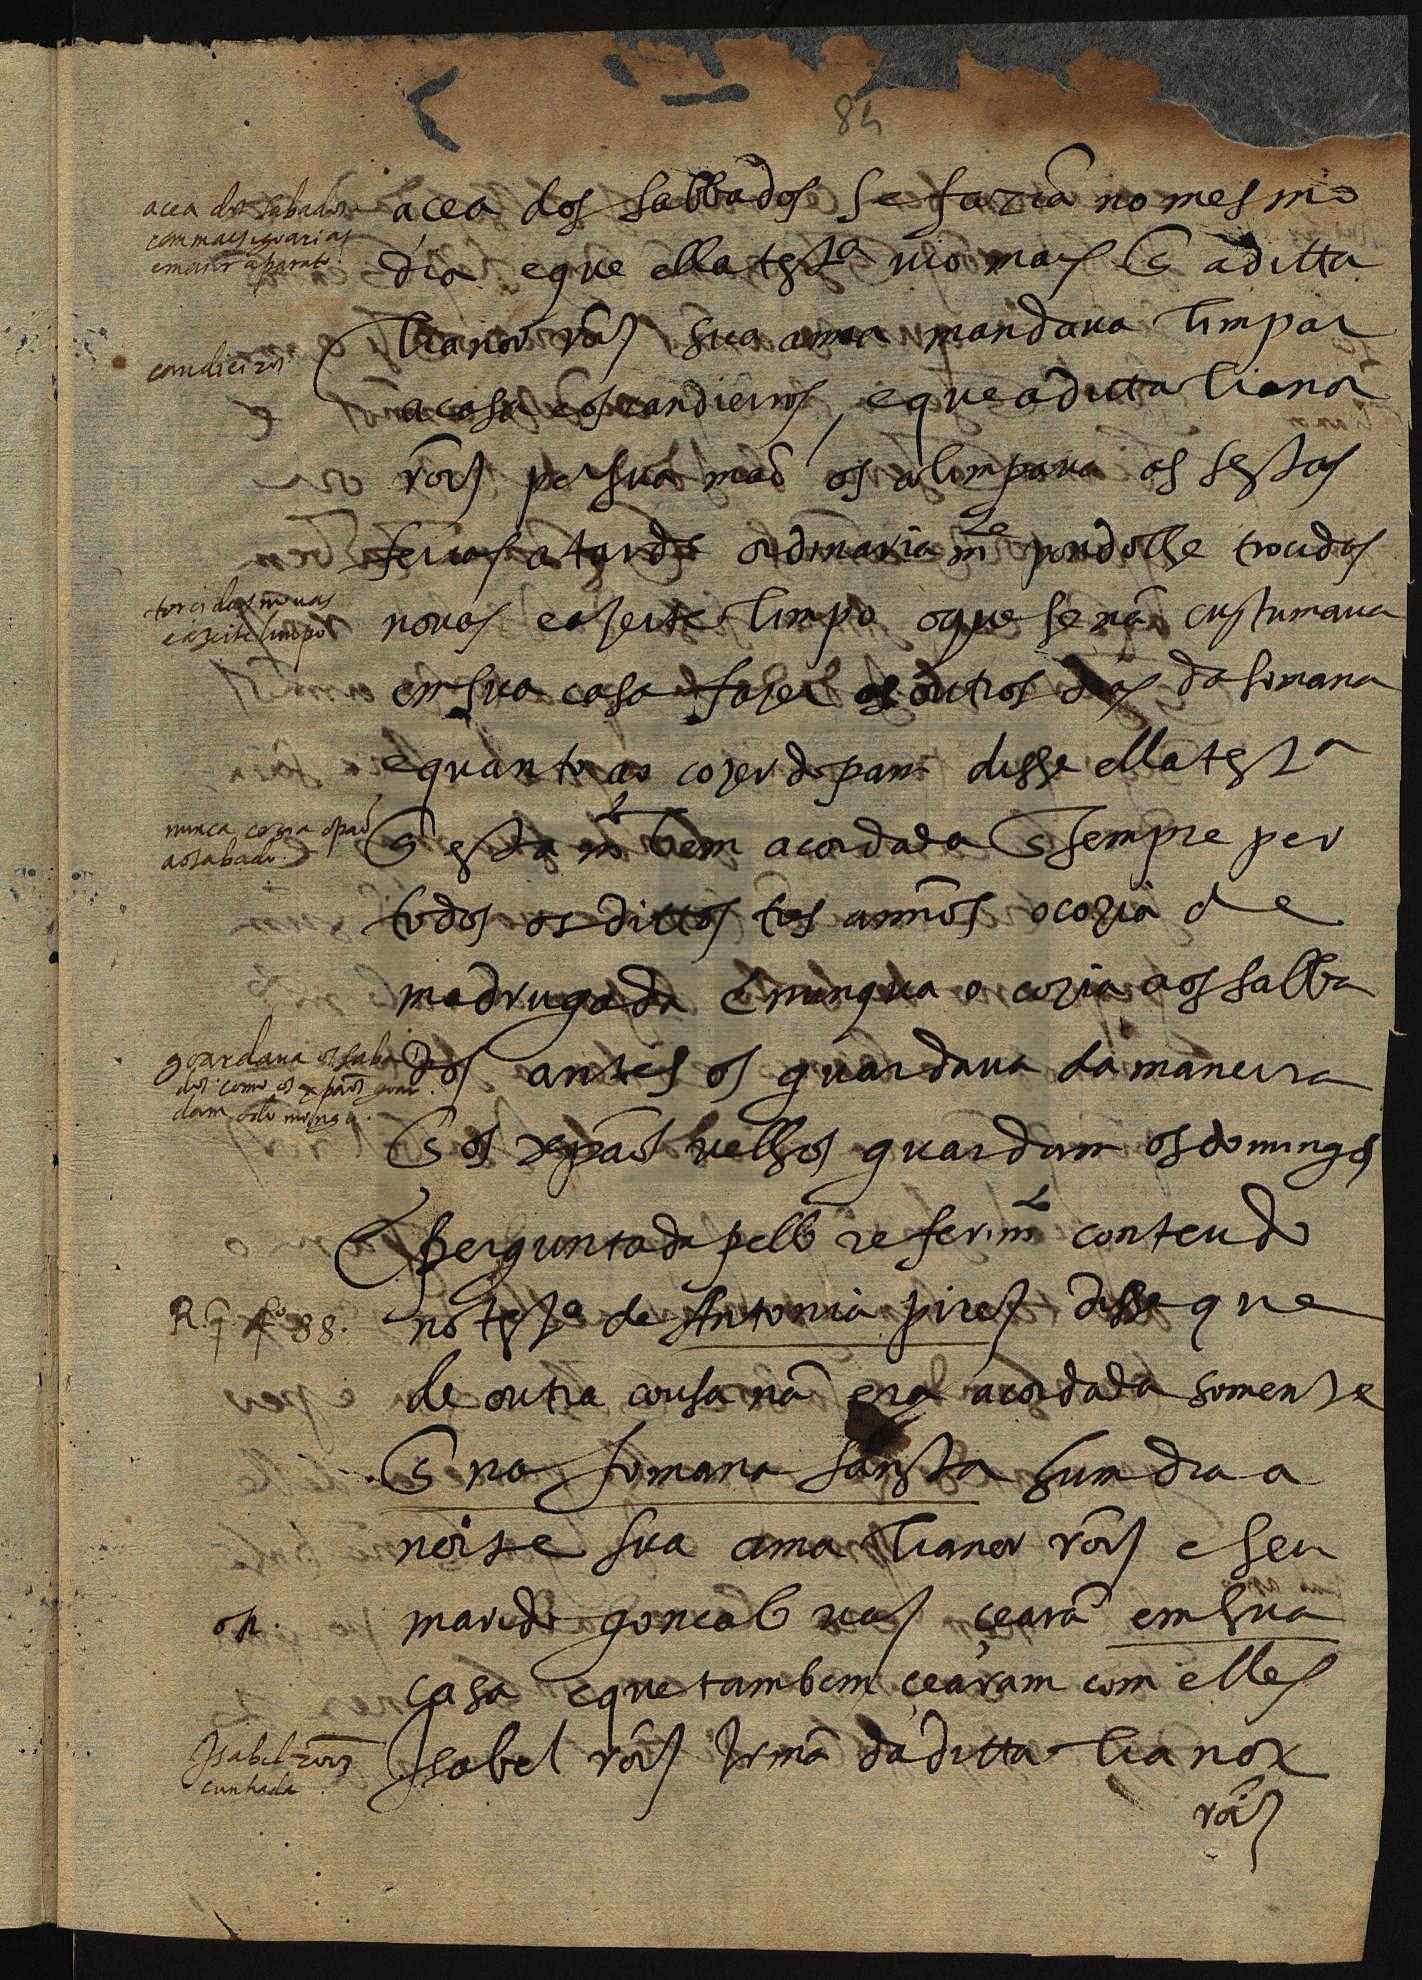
a cea dos sabados
com mais igoarias
e maior aparato.
candieiros
torcidas nouas
e azeite limpo
nunca cozia o paõ
ao sabado.
goardaua os saba
dos como os xpaõs goar
dam o domingo.
R. q̄. fo 38.
o R.
Jsabel roīz
cunhada
açea dos sabbados se faziā no mesmo
dia e que ella testa uio mais q̄ a ditta
lianor rōiz sua ama mandaua limpar
a casa e os candieiros, e que a ditta lianor
rōiz por sua maõ os alimpaua as sestas
feiras a tarde ordinariamte pondolhe trocidas
nouas e azeite limpo o que se não custumaua
em sua casa fazer os outros dias da somana
e quanto ao cozer do pam disse ella testa
q̄ esta mto bem acordada q̄ sempre per
todos os dittos tres ann̄os o cozia de
madrugada e nunqua o cozia aos sabba
dos antes os guardaua da maneira
q̄ os xpãos uelhos guardam os domingos
E perguntada pello referimto conteudo
no testo de Antonia pirez disse que
de outra cousa nā era acordada somente
q̄ na somana sancta hum dia a
noite sua ama lianor roīz e seu
marido goncalo uaz cearā em sua
casa e que tambem cearam com elles
Jsabel rōiz Jrmā da ditta lianor
roīz
